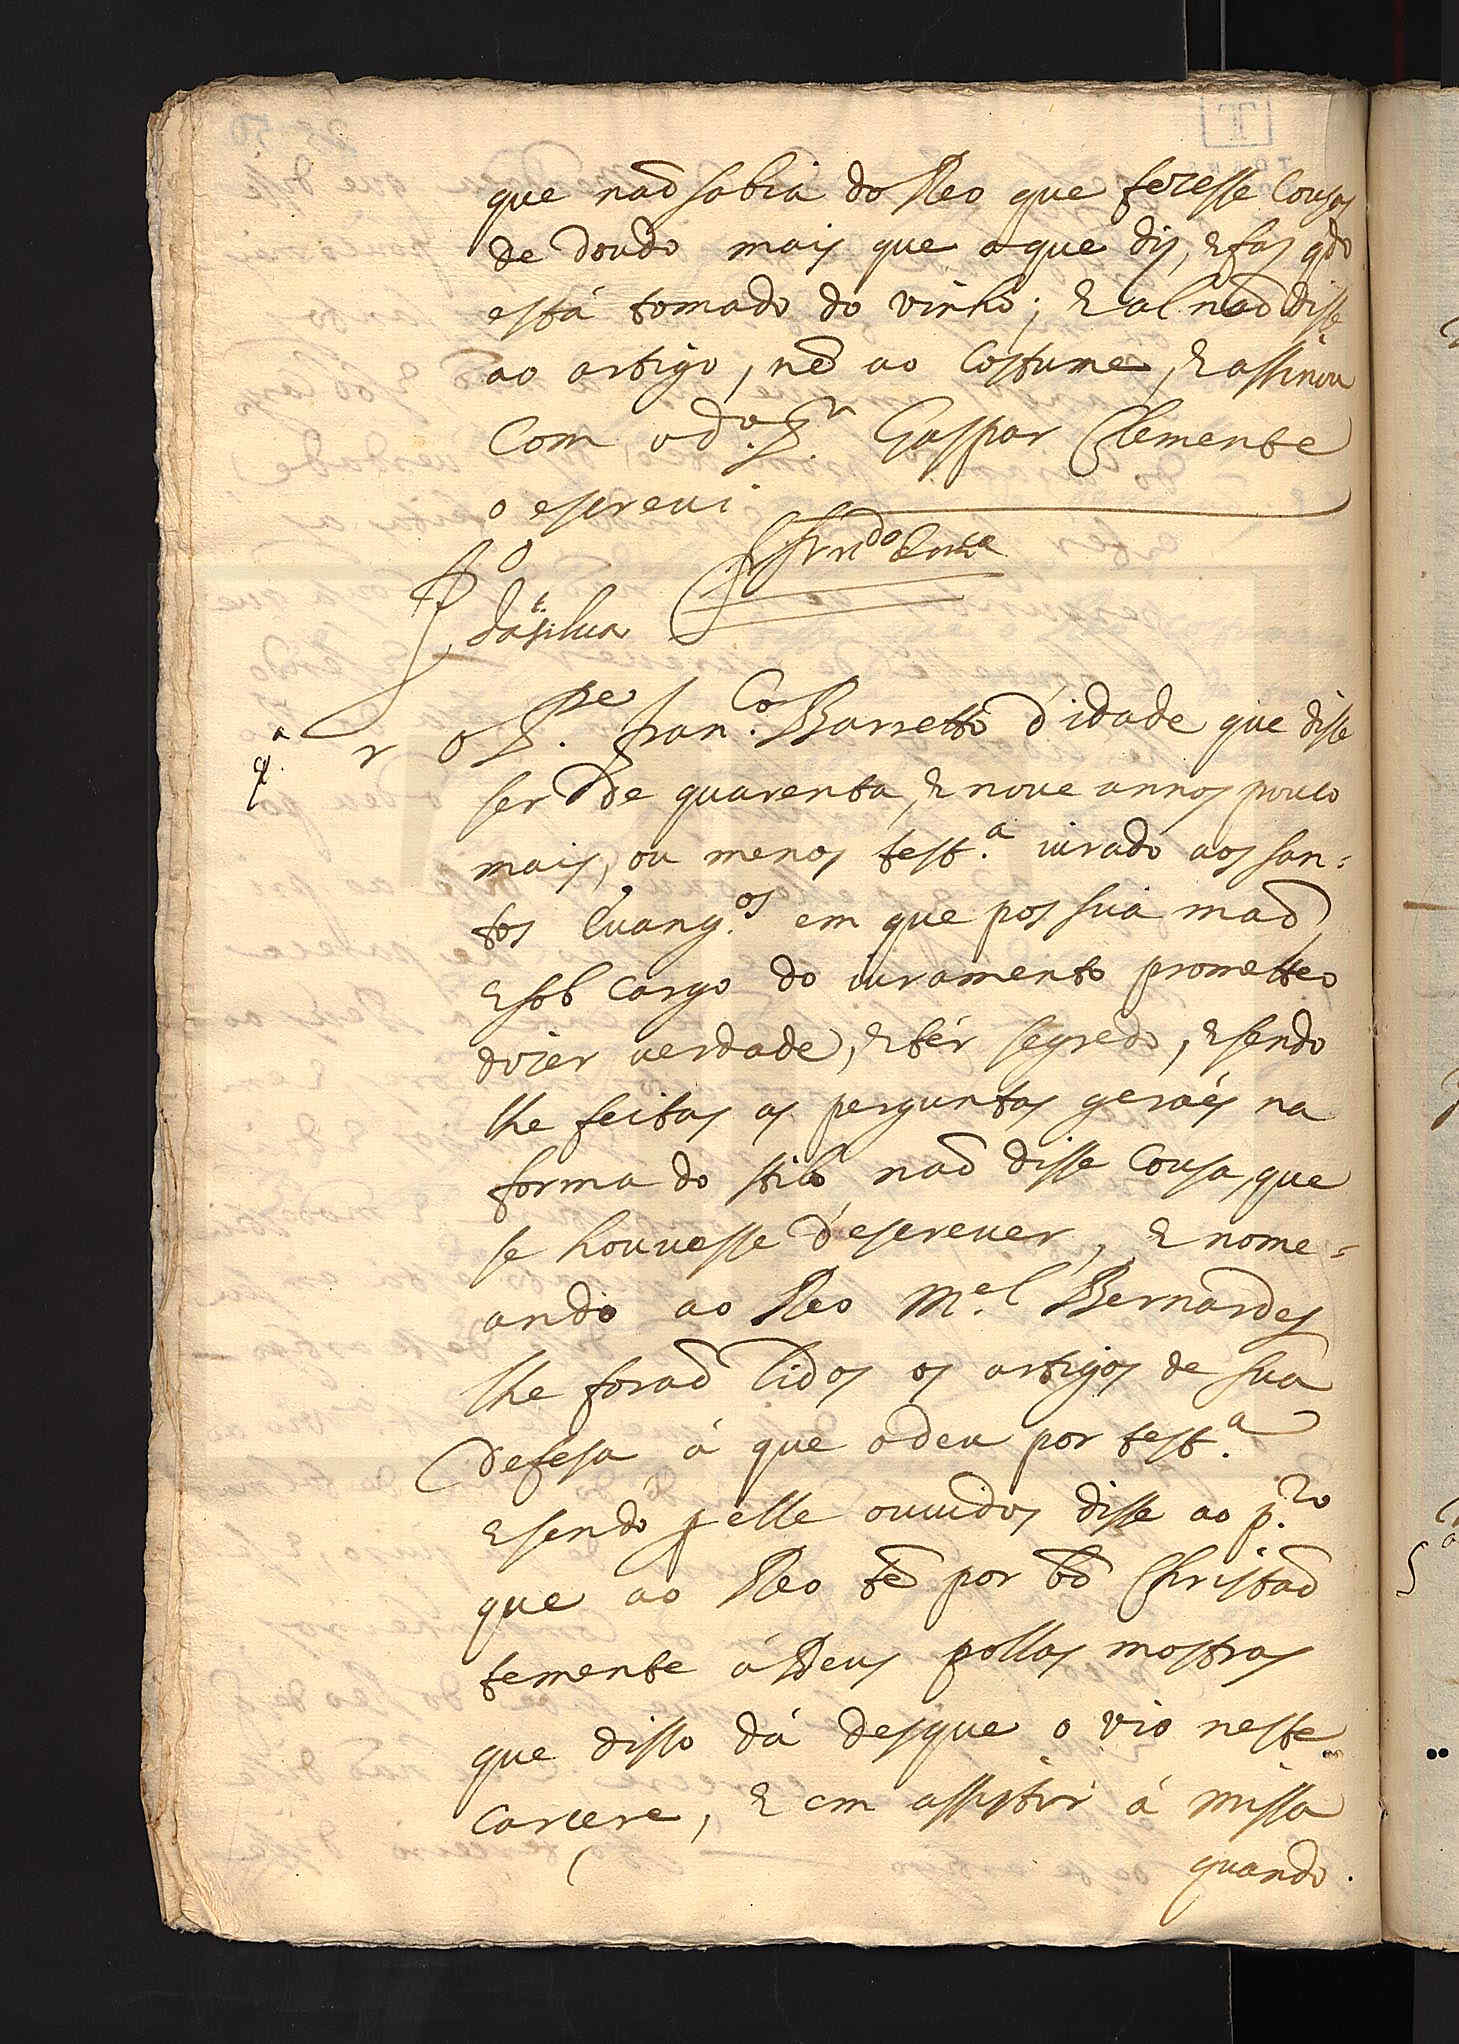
que naõ sabia do Reo que fezesse cousas
de doudo mais que o que diz, E faz qdo
está tomado do vinho; E al não disse
ao artigo, ne̅ ao costume, E assinou
com o d.o sr. Gaspar Clemente
o escreui
o Pe Fran.co Barretto d'idade que disse
ser de quarenta, E noue annos pouco
mais, ou menos, test.a iurado aos san
tos Euang.os em que pos sua maõ
E sob cargo do iuramento prometteo
dizer uerdade, E ter segredo, E sendo
lhe feitas as perguntas geraés na
forma do stilo não disse cousa, que
se houuesse d'escreuer, E nome
ando ao Reo M.el Bernardes
lhe forão lidos os artigos de sua
defesa á que o deu por test.a
E sendo ꝑ elle ouuidos disse ao p.ro
que ao Reo te̅ por bo̅ Christão
temente á Deus pollas mostras
que disso dá des que o vio neste
carçere, E em assistir á missa
quando
